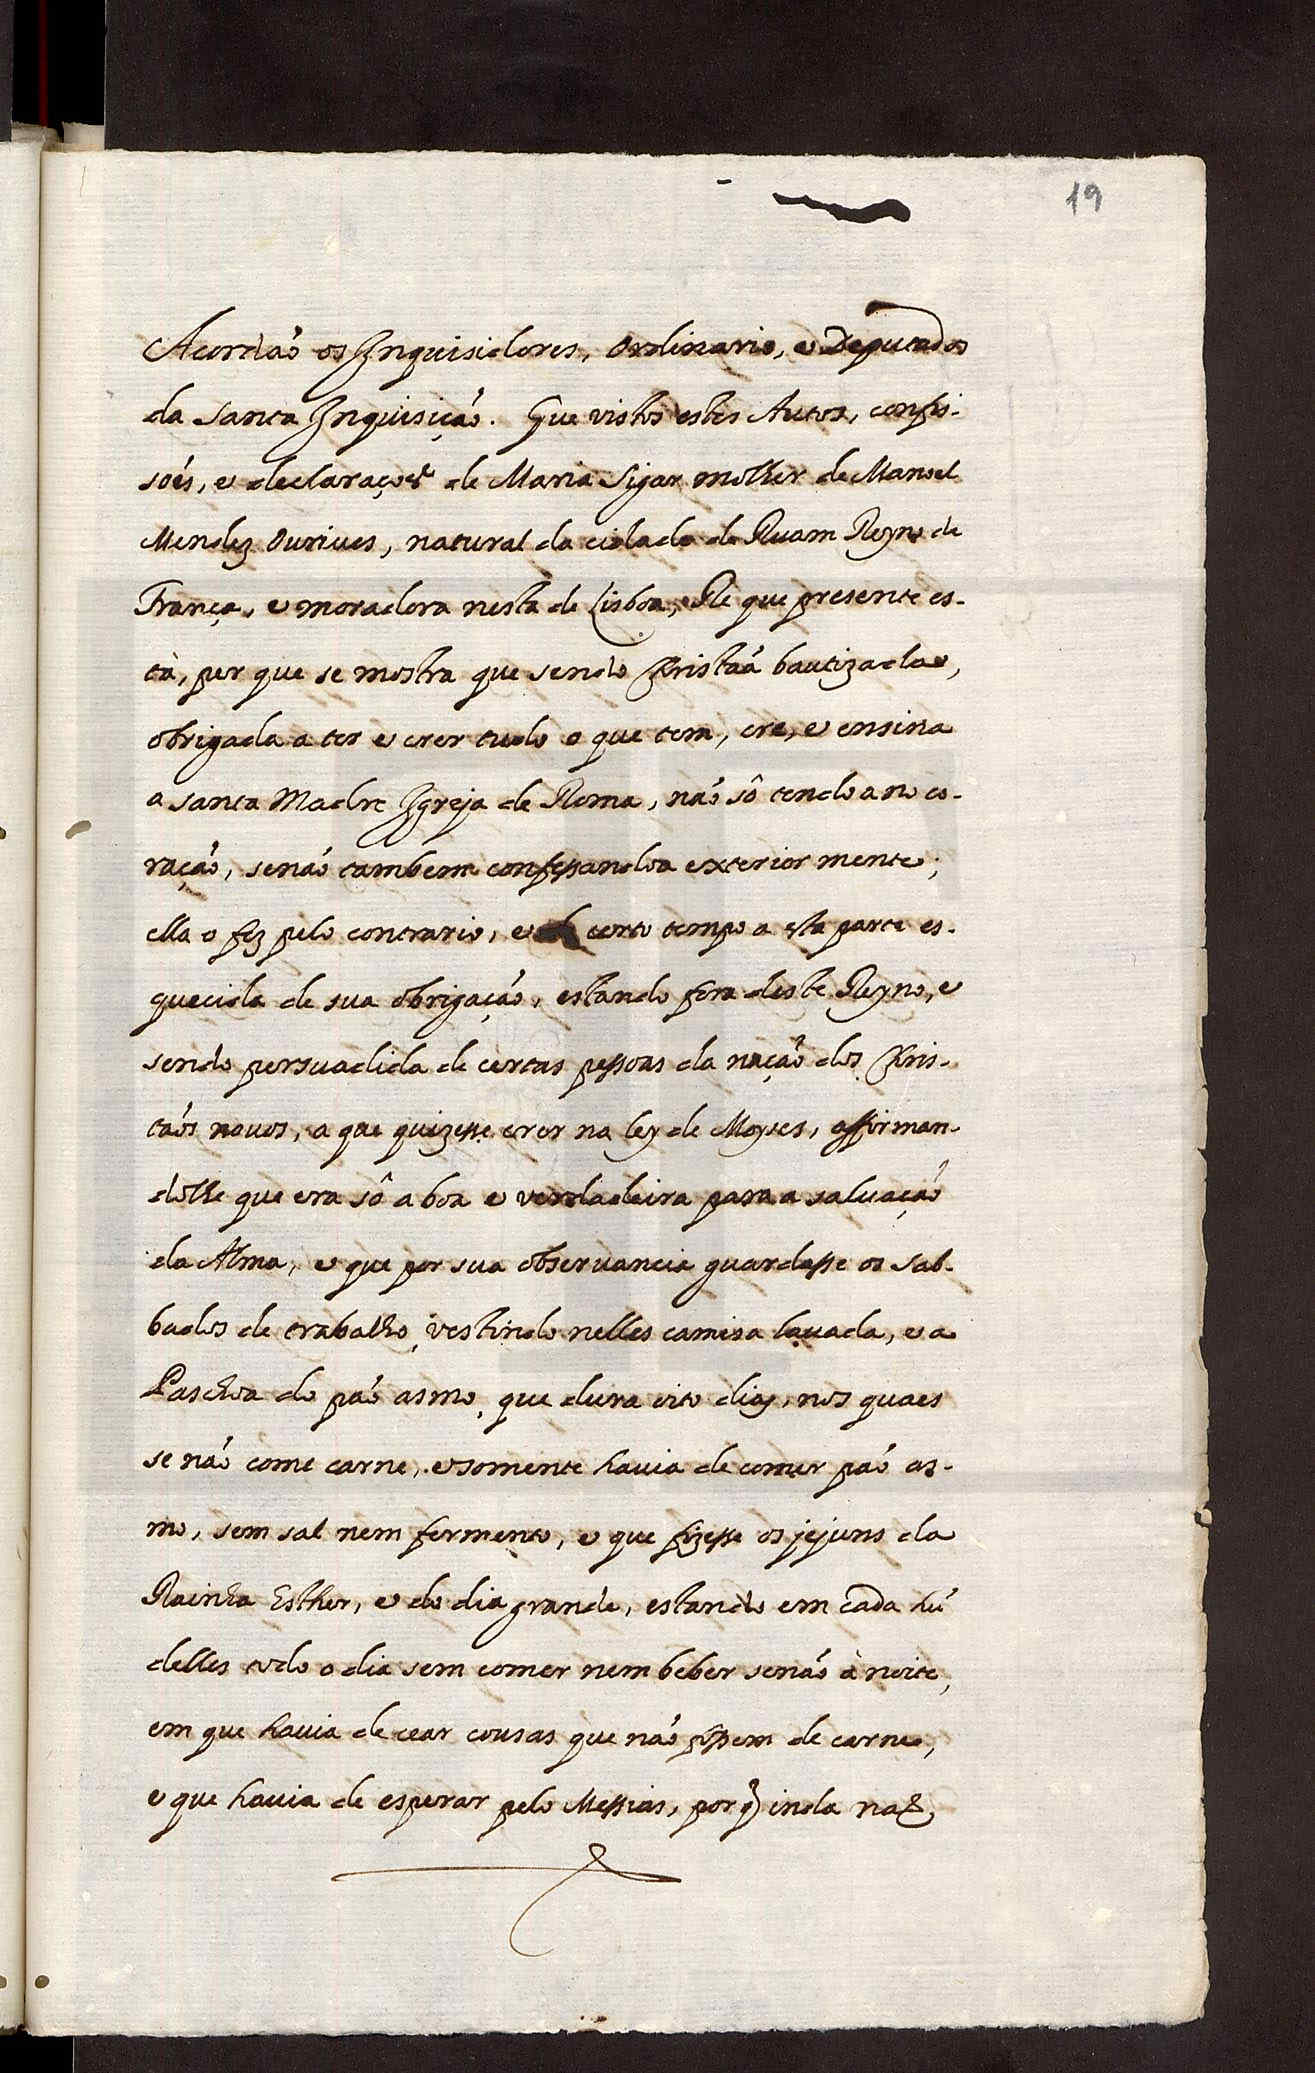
Acordaõ os Jnquisidores, Ordinario, os Deputados
da santa Jnquisiçaõ. Que vistos estes Autos, confis
soẽs, e declaraçoẽs de Maria Sigar molher de Manoel
Mendez Ouriues, natural da cidade de Ruam Reyno de
França, e moradora nesta de Lisboa, e Re que presente es
tà, perque se mostra que sendo Christaã bautizada,
obrigada a ter e crer tudo o que tem, cre, e ensina
a santa Madre Jgreja de Roma, naõ sô tendo a no co
raçaõ, senaõ tambem confessando a exteriormente;
ella o fez pelo contrario, e de certo tempo a esta parte es
quecida de sua obrigaçaõ, estando fora deste Reyno, e
sendo persuadida de certas pessoas da naçaõ dos Chris
taõs novos, a que quizesse crer na ley de Moyses, affirman
do lhe que era sô a boa e verdadeira para a saluaçaõ
da Alma, e que por sua observancia guardasse os sab
bados de trabalho, vestindo nelles camisa lauada, e a
Paschoa do paõ asmo, que dura oito dias, nos quaes
se naõ come carne,. e somente hauia de comer paõ as
mo, sem sal nem fermento, e que fizesse os jejuns da
Rainha Esther, e do dia grande, estando em cada hū
delles todo o dia sem comer nem beber senaõ à noite,
em que hauia de cear cousas que naõ fossem de carne,
e que hauia de esperar pelo Messias, porq̄ inda naõ
